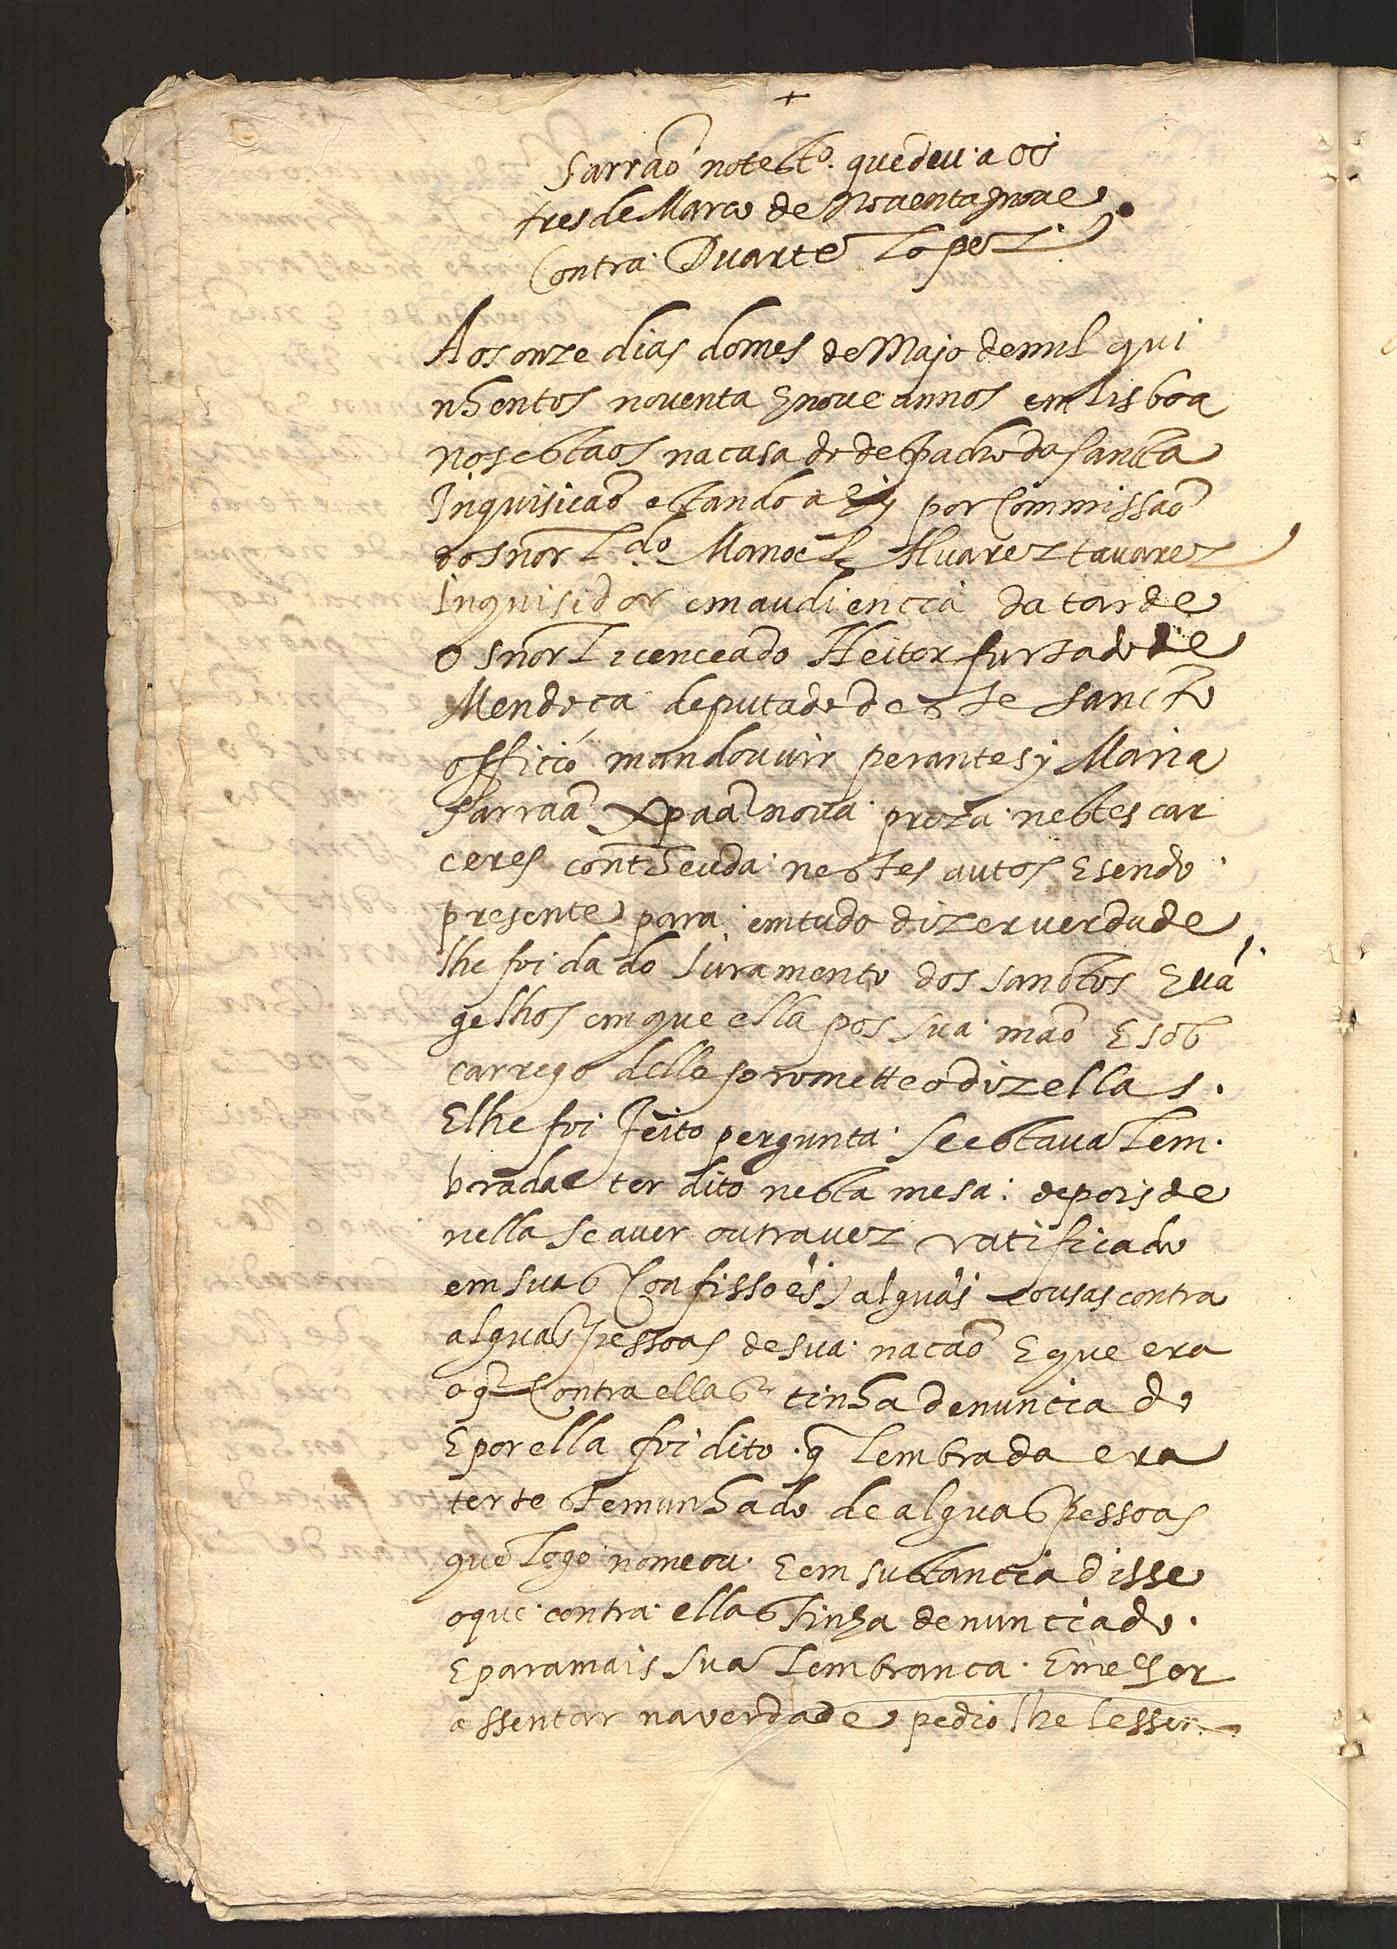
sarrão no testo. que deu aos
tres de Marco de nouenta y noue
Contra Duarte Lopez
Aos onze dias do mes de majo de mil qui
nhentos nouenta E noue annos em Lisboa
nos estaos na casa do despacho da sancta
Inquisicaõ estando ahy por Commissão
do sn̄or L.do Manoel Aluarez tauarez
Inquisidor em audiencia da tarde
o sn̄or Licenceado Heitor furtado de
Mendoça deputado deste sancto
officio mandou uir perante sy Maria
Sarraã xpaã noua preza nestes car
ceres contheuda nestes autos E sendo
presente para em tudo dizer uerdade
lhe foi dado Iuramento dos sanctos Euā
gelhos em que ella pos sua mão E sob
carrego delle prometteo dizellas.
E lhe foi feito pergunta. se estava Lem.
brada ter dito nesta mesa: depois de
nella se auer outra vez ratificado
em suas Confissoẽs, alguās cousas contra
alguas̄ pessoas de sua. nacão E que era
o q̄ Contra ellas tinha denunciado
E por ella foi dito. q̄ lembrada era
ter testemunhado de alguas̄ pessoas
que Logo nomeou. E em sustancia disse
o que. contra. ellas tinha denunciado
E para mais sua lembranca. E melhor
assentar na verdade pedio lhe lessen
